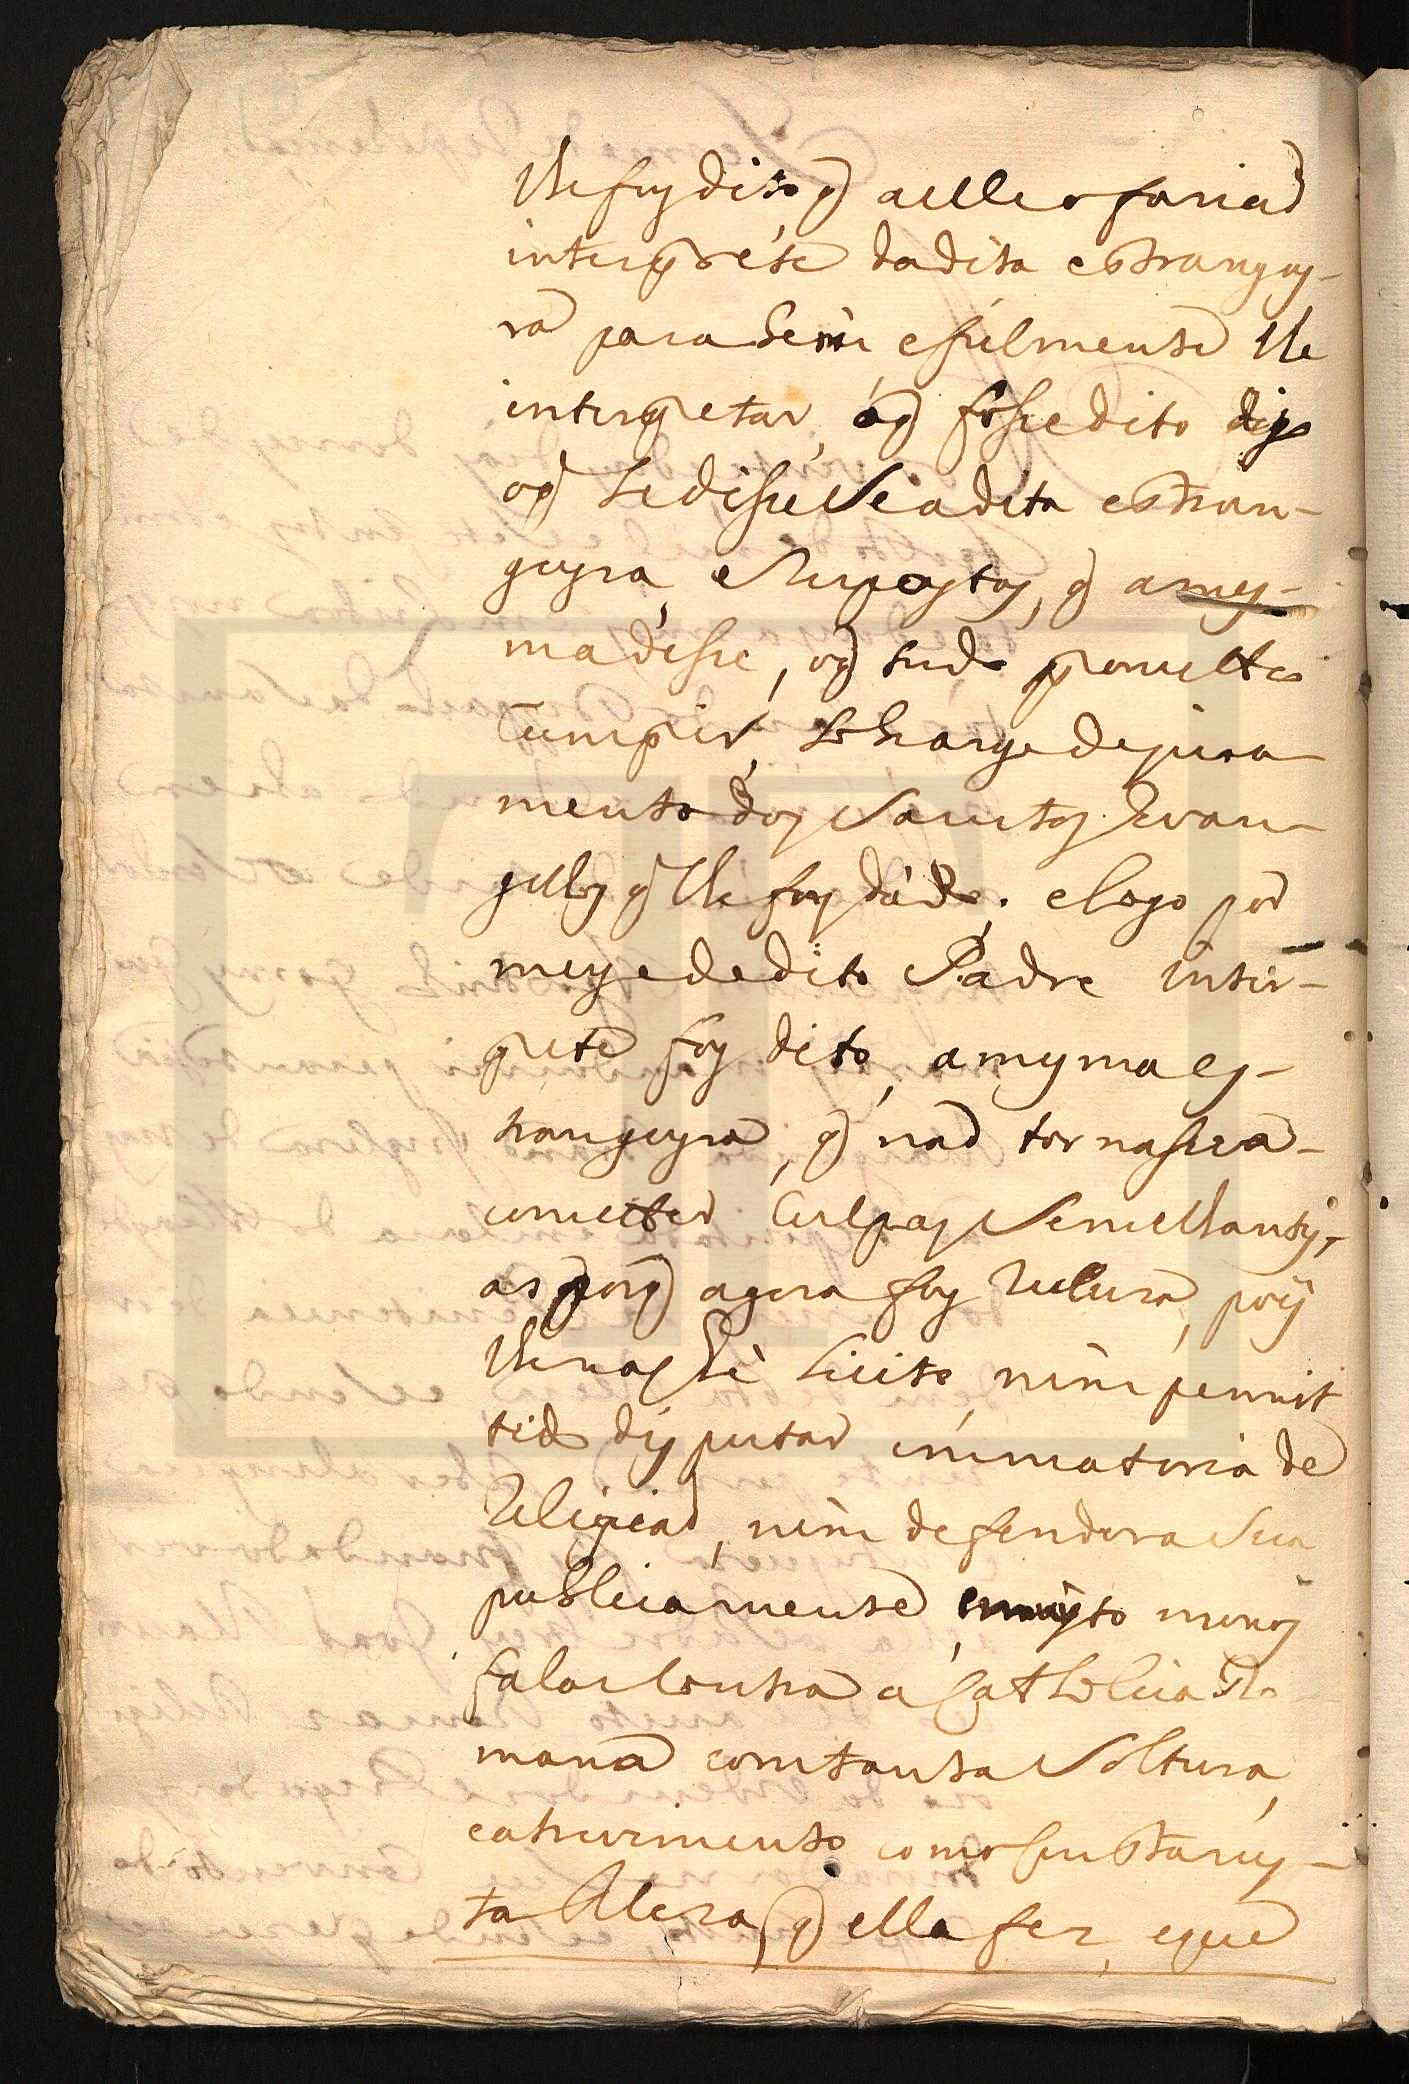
lhe foy dito q̄ a elle o fariaõ
interprete da dita estrangey
ra para bemm e fielmente lhe
interpretar o q̄ fosse dito digo
o q̄ se disse se a dita estran
geyra, e Respostas, q̄ a mes
ma disse, o q̄ tudo prometteo
cumprir sobcargo de jura
mento dos Santos evan
gelhos q̄ lhe foy dádo; e logo per
meyo do dito Padre inter
prete foy dito a mesma es
trangeyra, q̄ naõ tornasse a
cometter culpas Semelhantes
as porq̄ agora foy Recluza, porq̄
lhe naõ hé licito nem permit
tido disputar em materia de
Religiaõ, nem defender a sua
publicamente, e muyto menos
falar contra a Catholica Ro
mana com tanta soltura,
e atrevimento como Consta nes
ta Meza q̄ ella fez, e que
